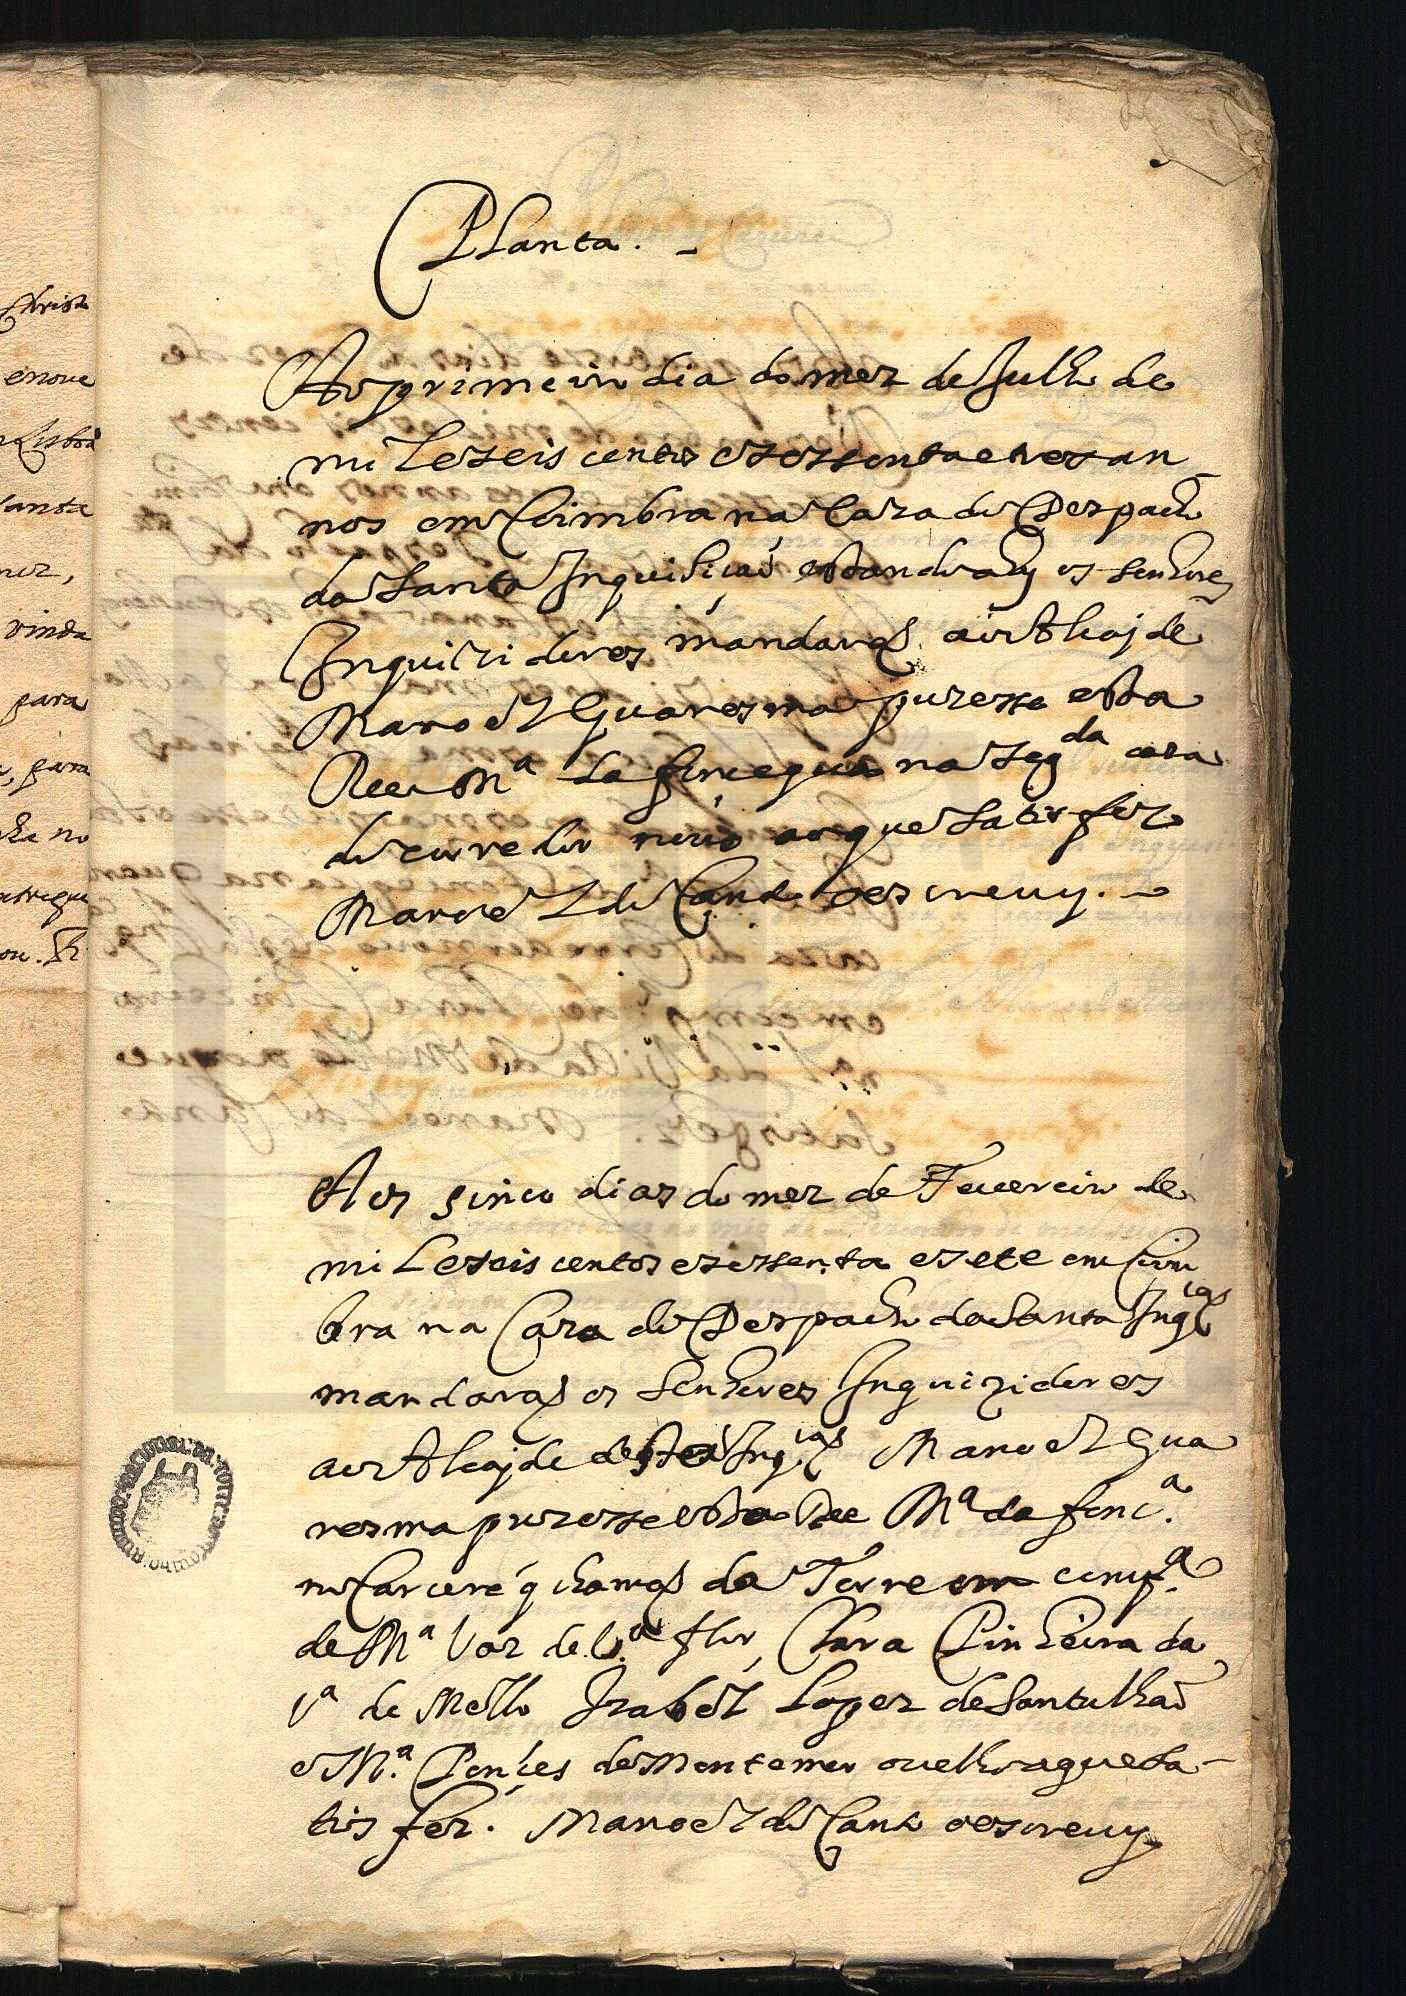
Planta.
Ao primeiro dia do mez de Julho de
mil e seiscentos e sessenta e tres an
nos em Coimbra na Caza do Despacho
da Santa JnquiSiçaõ estando ahy os senhores
Jnquizidores mandaraõ ao Alcajde
Manoel Quaresma puzesse esta
Ree Ma da foncequa na segda casa
do corredor nouo ao que satisfez
ManoeL do Canto o escreuy.
Aos sinco dias do mez de Feuereiro de
mil e seiscentos e sessenta e sete em Coim
bra na Caza do Despacho da Santa Jnqçaõ
mandaraõ os Senhores Jnquizidores
ao Alcajde desta Jnqçaõ Manoel Qua
resma puzesse esta Ree Ma da fonc.a
no Carcere q̄ chamaõ da Torre em comp.a
de M.a Vaz de U.a flor, Clara Pinheira da
V.a de Mello Izabel Lopez de Santulhaõ
e M.a Ponces de Montemor o uelho a que sa
tisfez. Manoel do Canto o escreuy.
